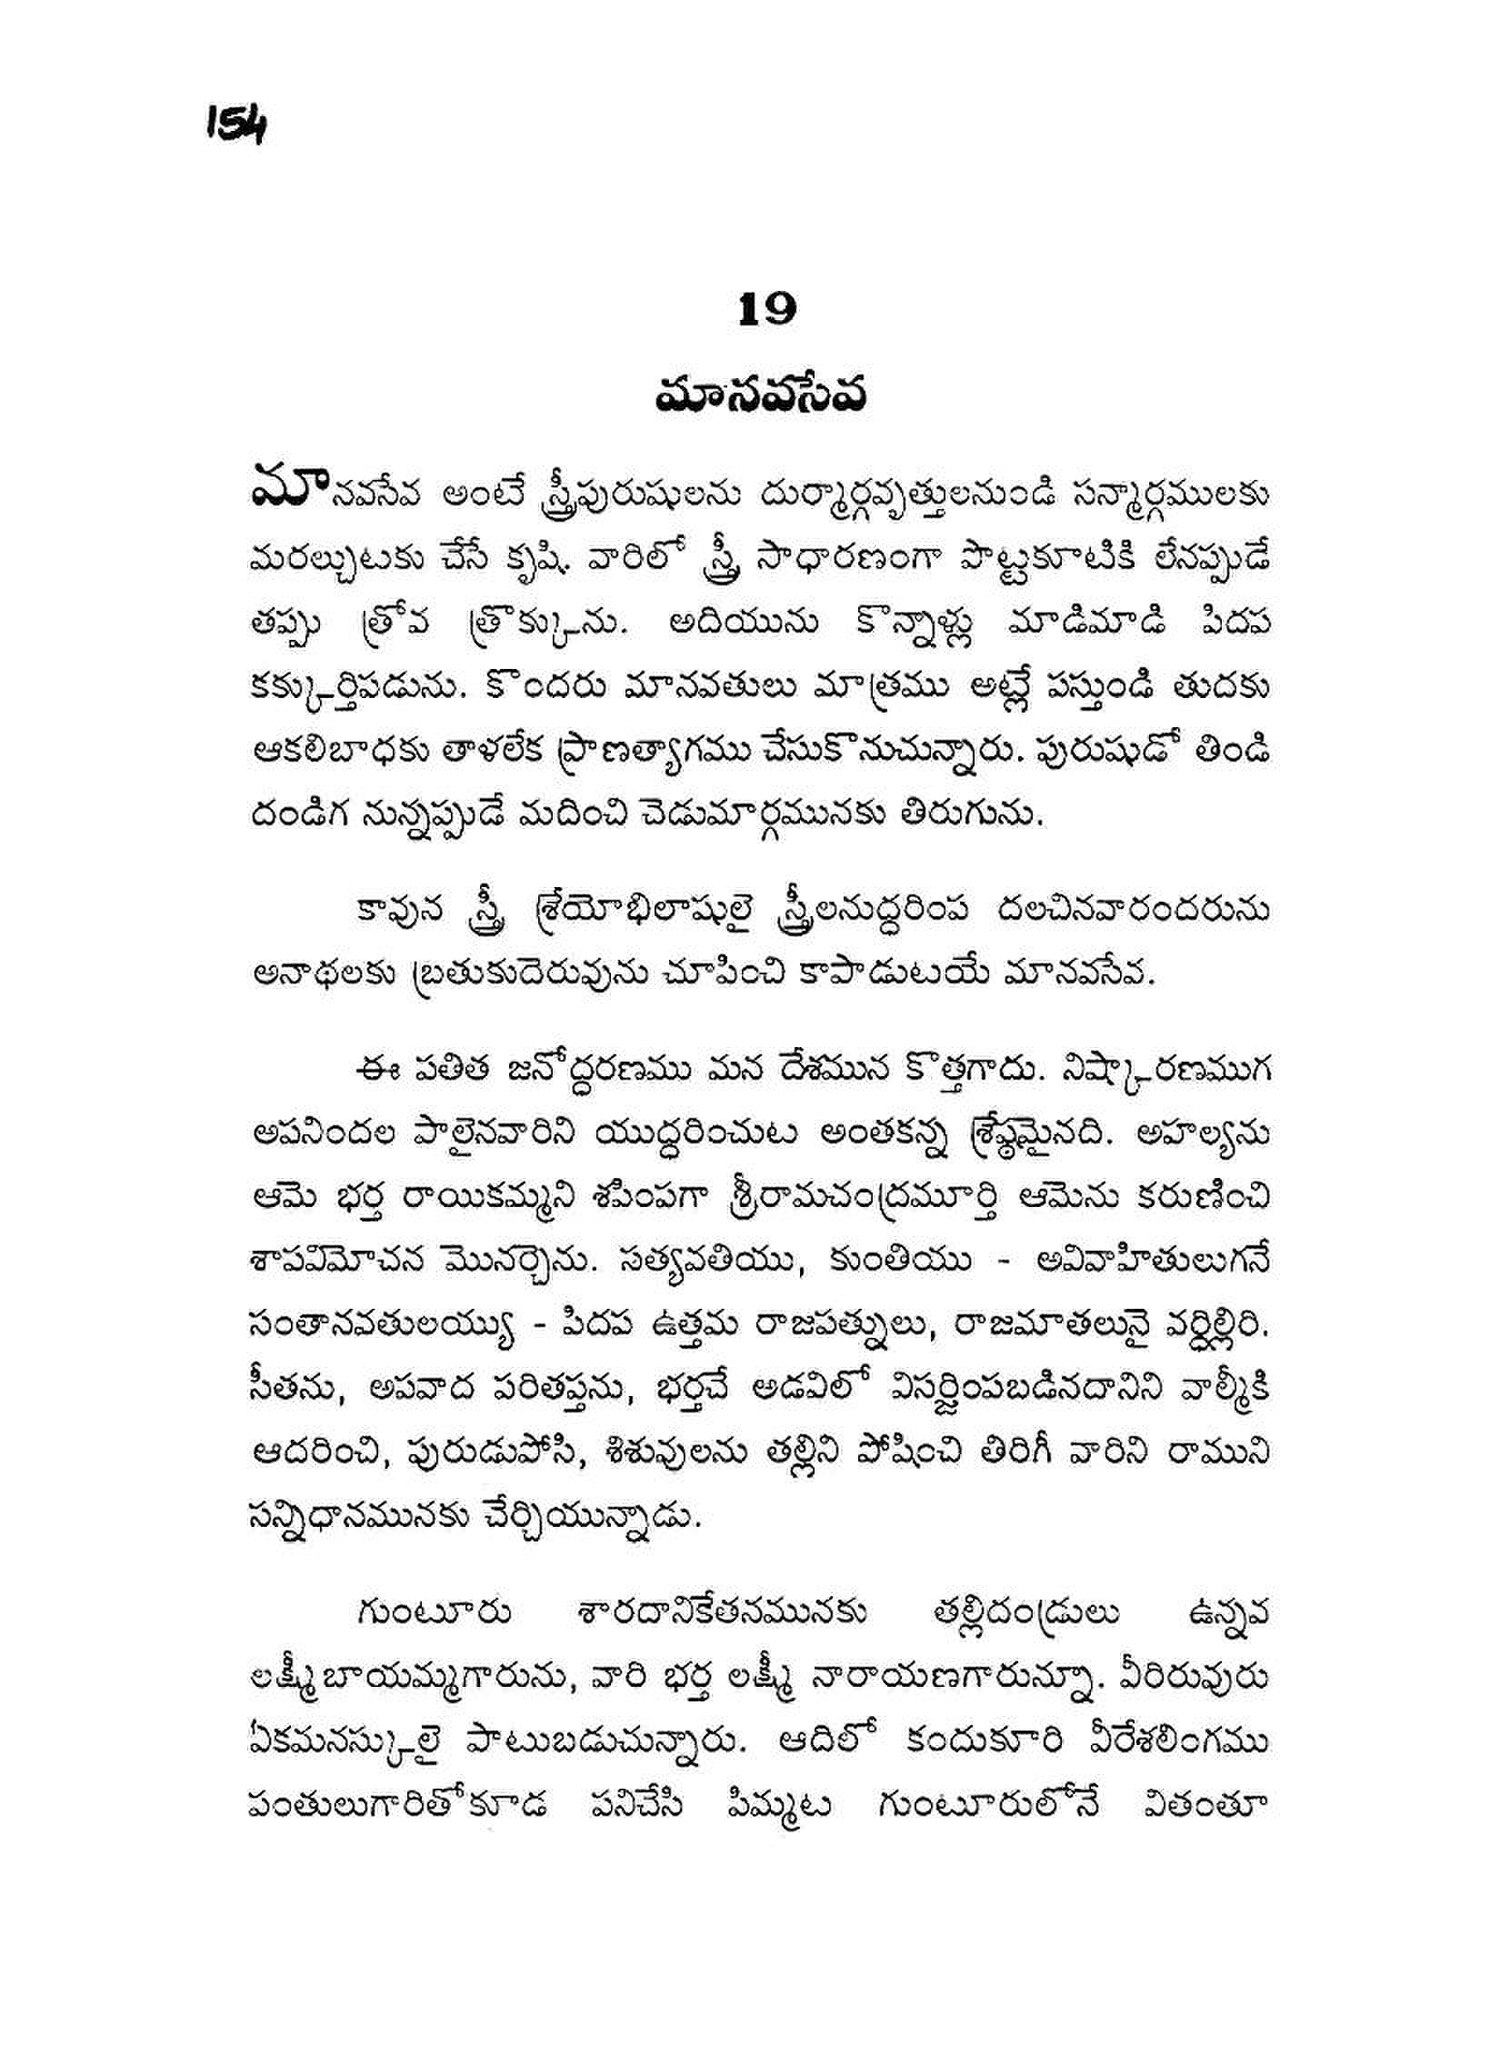మానవసేవ అంటే స్త్రీపురుషులను దుర్మార్గవృత్తులనుండి సన్మార్గములకు మరల్చుటకు చేసే కృషి. వారిలో స్త్రీ సాధారణంగా పొట్టకూటికి లేనప్పుడే తప్పు త్రోవ త్రొక్కును. అదియును కొన్నాళ్లు మాడిమాడి పిదప కక్కుర్తిపడును. కొందరు మానవతులు మాత్రము అట్టే పస్తుండి తుదకు ఆకలిబాధకు తాళలేక ప్రాణత్యాగము చేసుకొనుచున్నారు. పురుషుడో తిండి దండిగ నున్నప్పడే మదించి చెడుమార్గమునకు తిరుగును.

కావున స్త్రీ శ్రేయోభిలాషులై స్త్రీలనుద్దరింప దలచినవారందరును అనాథలకు బ్రతుకుదెరువును చూపించి కాపాడుటయే మానవసేవ.

ఈ పతిత జనోద్దరణము మన దేశమున కొత్తగాదు. నిష్కారణముగ అపనిందల పాలైనవారిని యుద్ధరించుట అంతకన్న శ్రేష్ఠమైనది. అహల్యను ఆమె భర్త రాయికమ్మని శపింపగా శ్రీరామచంద్రమూర్తి ఆమెను కరుణించి శాపవిమోచన మొనర్చెను. సత్యవతియు, కుంతియు - అవివాహితులుగనే సంతానవతులయ్య - పిదప ఉత్తమ రాజపత్నులు, రాజమాతలునై వర్ధిల్లిరి. సీతను, అపవాద పరితప్తను, భర్తచే అడవిలో విసర్జింపబడినదానిని వాల్మీకి ఆదరించి, పురుడుపోసి, శిశువులను తల్లిని పోషించి తిరిగీ వారిని రాముని సన్నిధానమునకు చేర్చియున్నాడు.

గుంటూరు శారదానికేతనమునకు తల్లిదండ్రులు ఉన్నవ లక్ష్మీబాయమ్మగారును, వారి భర్త లక్ష్మీ నారాయణగారున్నూ. వీరిరువురు ఏకమనస్కులై పాటుబడుచున్నారు. ఆదిలో కందుకూరి వీరేశలింగము పంతులుగారితో కూడ పనిచేసి పిమ్మట గుంటూరులోనే వితంతూ